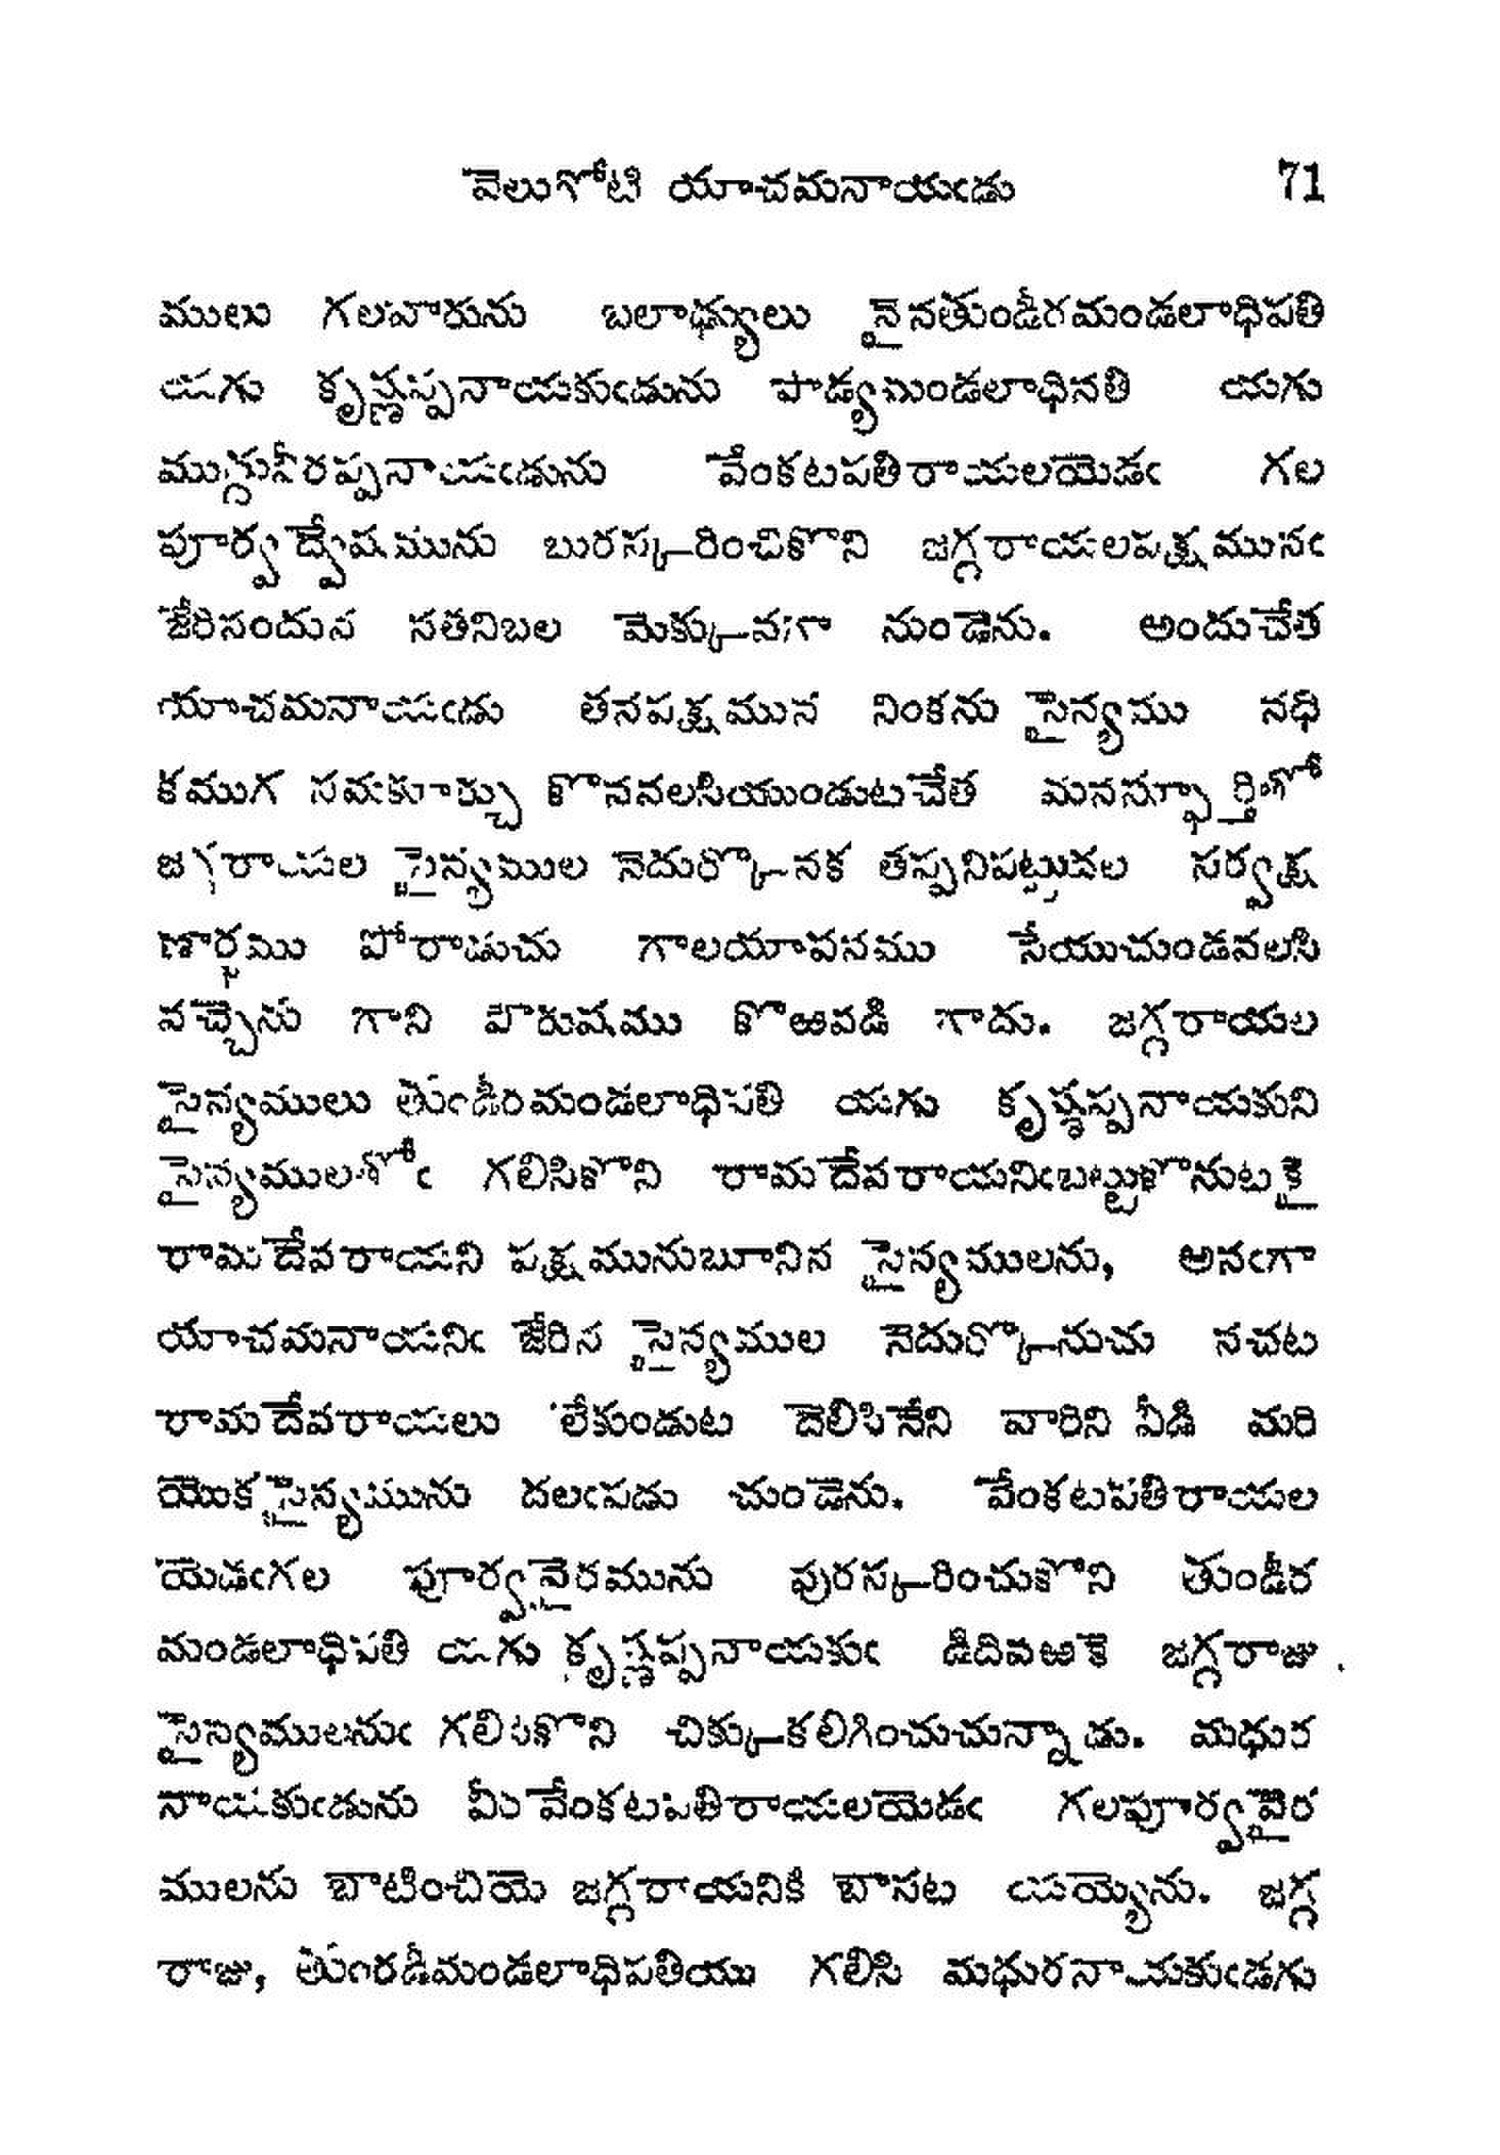ములు గలవారును బలాఢ్యులు నైనతుండీరమండలాధిపతి యగు కృష్ణప్పనాయకుఁడును పాండ్యమండలాధిపతి యగు ముద్దువీరప్పనాయఁడును వేంకటపతిరాయలయెడఁ గల పూర్వ ద్వేషమును బురస్కరించికొని జగ్గరాయలపక్షమునఁ జేరినందున నతనిబల మెక్కువగా నుండెను. అందుచేత యాచమనాయఁడు తనపక్షమున నింకను సైన్యము నధికముగ సమకూర్చు కొనవలసియుండుటచేత మనస్ఫూర్తితో జగ్గరాయల సైన్యముల నెదుర్కొనక తప్పనిపట్టుదల సర్వరక్షణార్థము పోరాడుచు గాలయాపనము సేయుచుండవలసి వచ్చెను గాని పౌరుషము కొఱవడి గాదు. జగ్గరాయల సైన్యములు తుండీరమండలాధిపతి యగు కృష్ణప్పనాయకుని సైన్యములతోఁ గలిసికొని రామదేవరాయనిఁబట్టుకొనుటకై రామదేవరాయని పక్షమునుబూనిన సైన్యములను, అనఁగా యాచమనాయనిఁ జేరిన సైన్యముల నెదుర్కొనుచు నచట రామదేవరాయలు లేకుండుట దెలిసినేని వారిని వీడి మరి యొకసైన్యమును దలఁపడు చుండెను. వేంకటపతిరాయల యెడఁగల పూర్వవైరమును పురస్కరించుకొని తుండీర మండలాధిపతి యగు కృష్ణప్పనాయకుఁ డిదివఱకె జగ్గరాజు సైన్యములనుఁ గలిసికొని చిక్కుకలిగించుచున్నాడు. మధుర నాయకుఁడును వీరవేంకటపతిరాయలయెడఁ గలపూర్వవైరములను బాటించియె జగ్గరాయనికి బాసట యయ్యెను. జగ్గరాజు, తుండీరమండలాధిపతియు గలిసి మధురనాయకుఁడగు